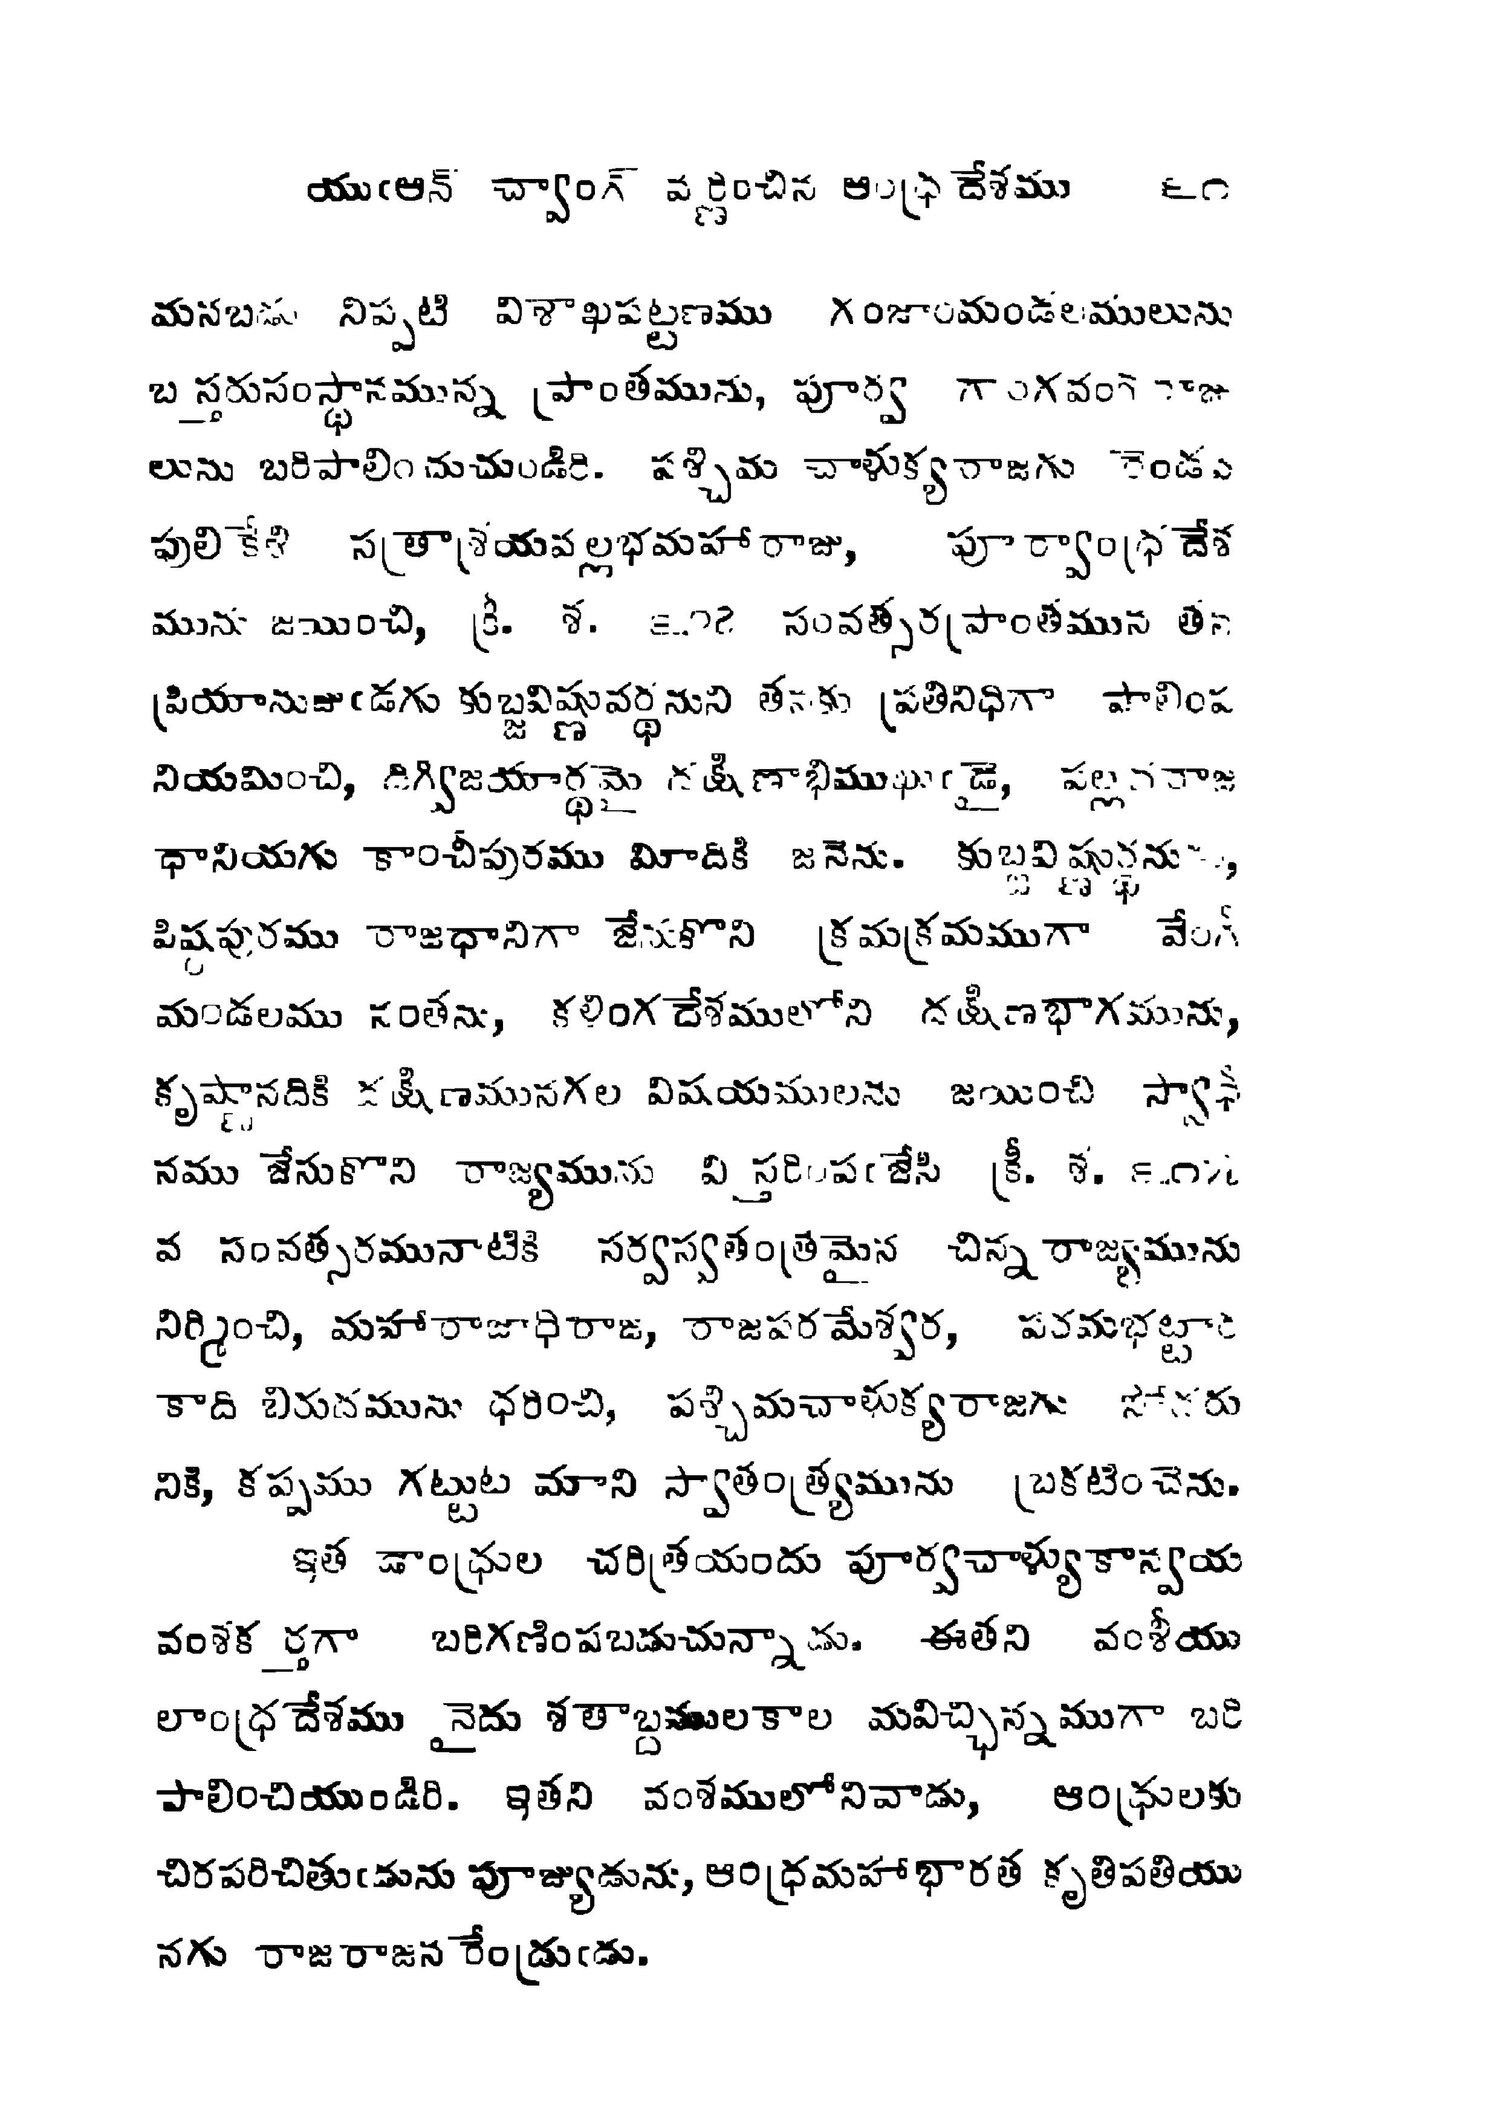మనబడు నిప్పటి విశాఖపట్టణము గంజాం మండలములును బస్తరు సంస్థానమున్న ప్రాంతమును, పూర్వ గాంగవంశరాజులును బరిపాలించుచుండిరి. పశ్చిమ చాళుక్యరాజగు రెండవ పులికేశి సత్రాశ్రయవల్లభమహారాజు, పూర్వాంధ్రదేశమును జయించి, క్రీ.శ. 607 సంవత్సరప్రాంతము తన ప్రియానుజుడగు కుబ్జవిష్ణువర్థనుని తనకు ప్రతినిధిగా పాలింప నియమించి, దిగ్విజయార్థమై దక్షిణాభిముఖుడై, పల్లవరాజధానియగు కాంచీపురము మీదికి జనెను. కుబ్జవిష్ణువర్థనుడు, పిష్ఠపురము రాజధానిగా జేసుకొని క్రమక్రమముగా వేంగీమండలము నంతను, కళింగదేశములోని దక్షిణభాగమును, కృష్ణానదికి దక్షిణమునగల విషయములను జయించి స్వాధీనము జేసుకొని రాజ్యమును విస్తరింపజేసి క్రీ.శ. 615 వ సంవత్సరమునాటికి సర్వస్వతంత్రమైన చిన్న రాజ్యమును నిర్మించి, మహారాజాధిరాజ, రాజపరమేశ్వర, పరమభట్టారకాది బిరుదమును ధరించి, పశ్చిమచాళుక్యరాజగు సోదరునికి, కప్పము గట్టుట మాని స్వాతంత్ర్యమును బ్రకటించెను.

ఇత డాంధ్రుల చరిత్రయందు పూర్వచాళ్యుకాన్వయ వంశకర్తగా బరిగణింపబడుచున్నాడు. ఈతని వంశీయు లాంధ్రదేశము నైదు శతాబ్దములకాల మవిచ్ఛిన్నముగా బరిపాలించియుండిరి. ఇతని వంశములోనివాడు, ఆంధ్రులకు చిరపరచితుడును పూజ్యుడును, ఆంధ్రమహాభారత కృతిపతియునగు రాజరాజనరేంద్రుడు.